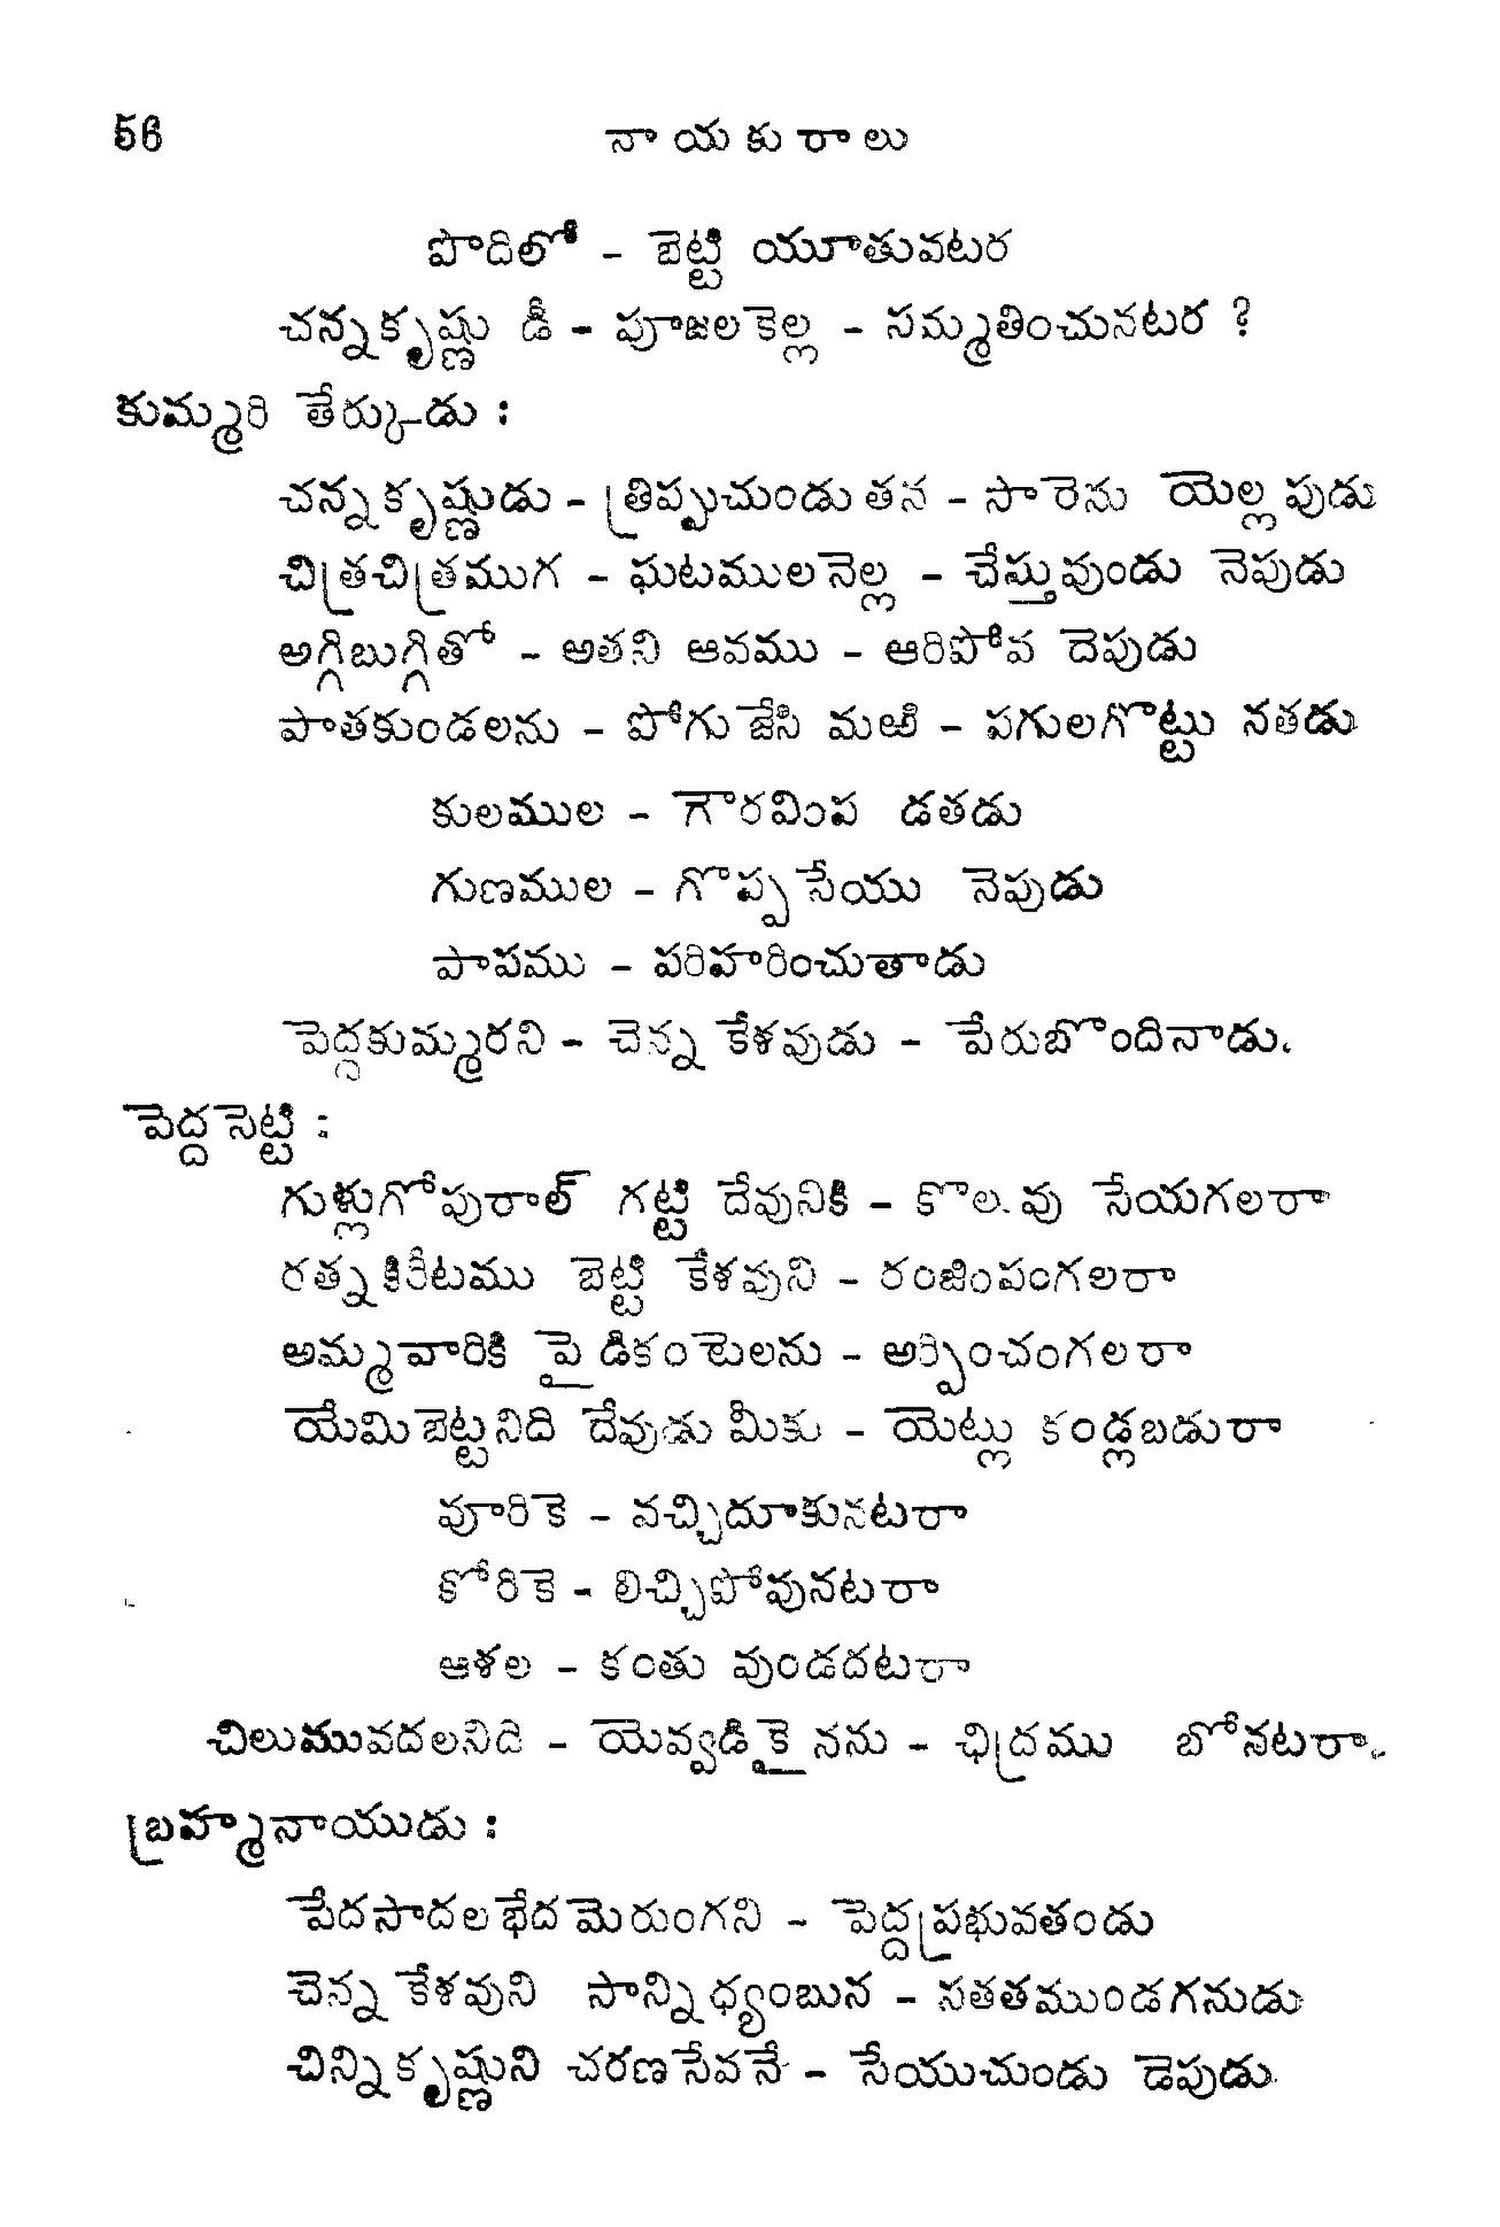పొదిలో - బెట్టి యూతువటర
 చన్నకృష్ణు డీ - పూజలకెల్ల - సమ్మతించునటర ?
కుమ్మరి తేర్కుడు :
 చన్నకృష్ణుడు - త్రిప్పుచుండు తన - సారెను యెల్లపుడు
 చిత్రచిత్రముగ - ఘటములనెల్ల - చేస్తువుండు నెపుడు
 అగ్గిబుగ్గితో - అతని ఆవము - ఆరిపోవ దెపుడు
 పాతకుండలను - పోగు జేసి మఱి - పగులగొట్టు నతడు
 కులముల - గౌరవింప డతడు
 గుణముల - గొప్పసేయు నెపుడు
 పాపము - పరిహరించుతాడు
 పెద్దకుమ్మరని - చెన్నకేశవుడు - పేరుపొందినాడు.
పెద్దసెట్టి :
 గుళ్లుగోపురాల్ గట్టి దేవునికి - కొలువు సేయగలరా
 రత్నకిరీటము బెట్టి కేశవుని - రంజింపంగలరా
 అమ్మవారికి పైడికంటెలను - అర్పించంగలరా
 యేమిబెట్టనిది దేవుడు మీకు - యెట్లు కండ్లబడురా
 వూరికె - వచ్చిదూకునటరా
 కోరికె - లిచ్చిపోవునటరా
 ఆశల - కంతు వుండదటగా
 చిలుమువదలనిది - యెవ్వడి కైనను - ఛిద్రము బోనటరా.
బ్రహ్మనాయుడు :
పేదసాదలభేద మెరుంగని - పెద్దప్రభువతండు
చెన్న కేశవుని సాన్నిధ్యంబున - సతతముండగనుడు
చిన్ని కృష్ణుని చరణసేవనే - సేయుచుండు డెపుడు.